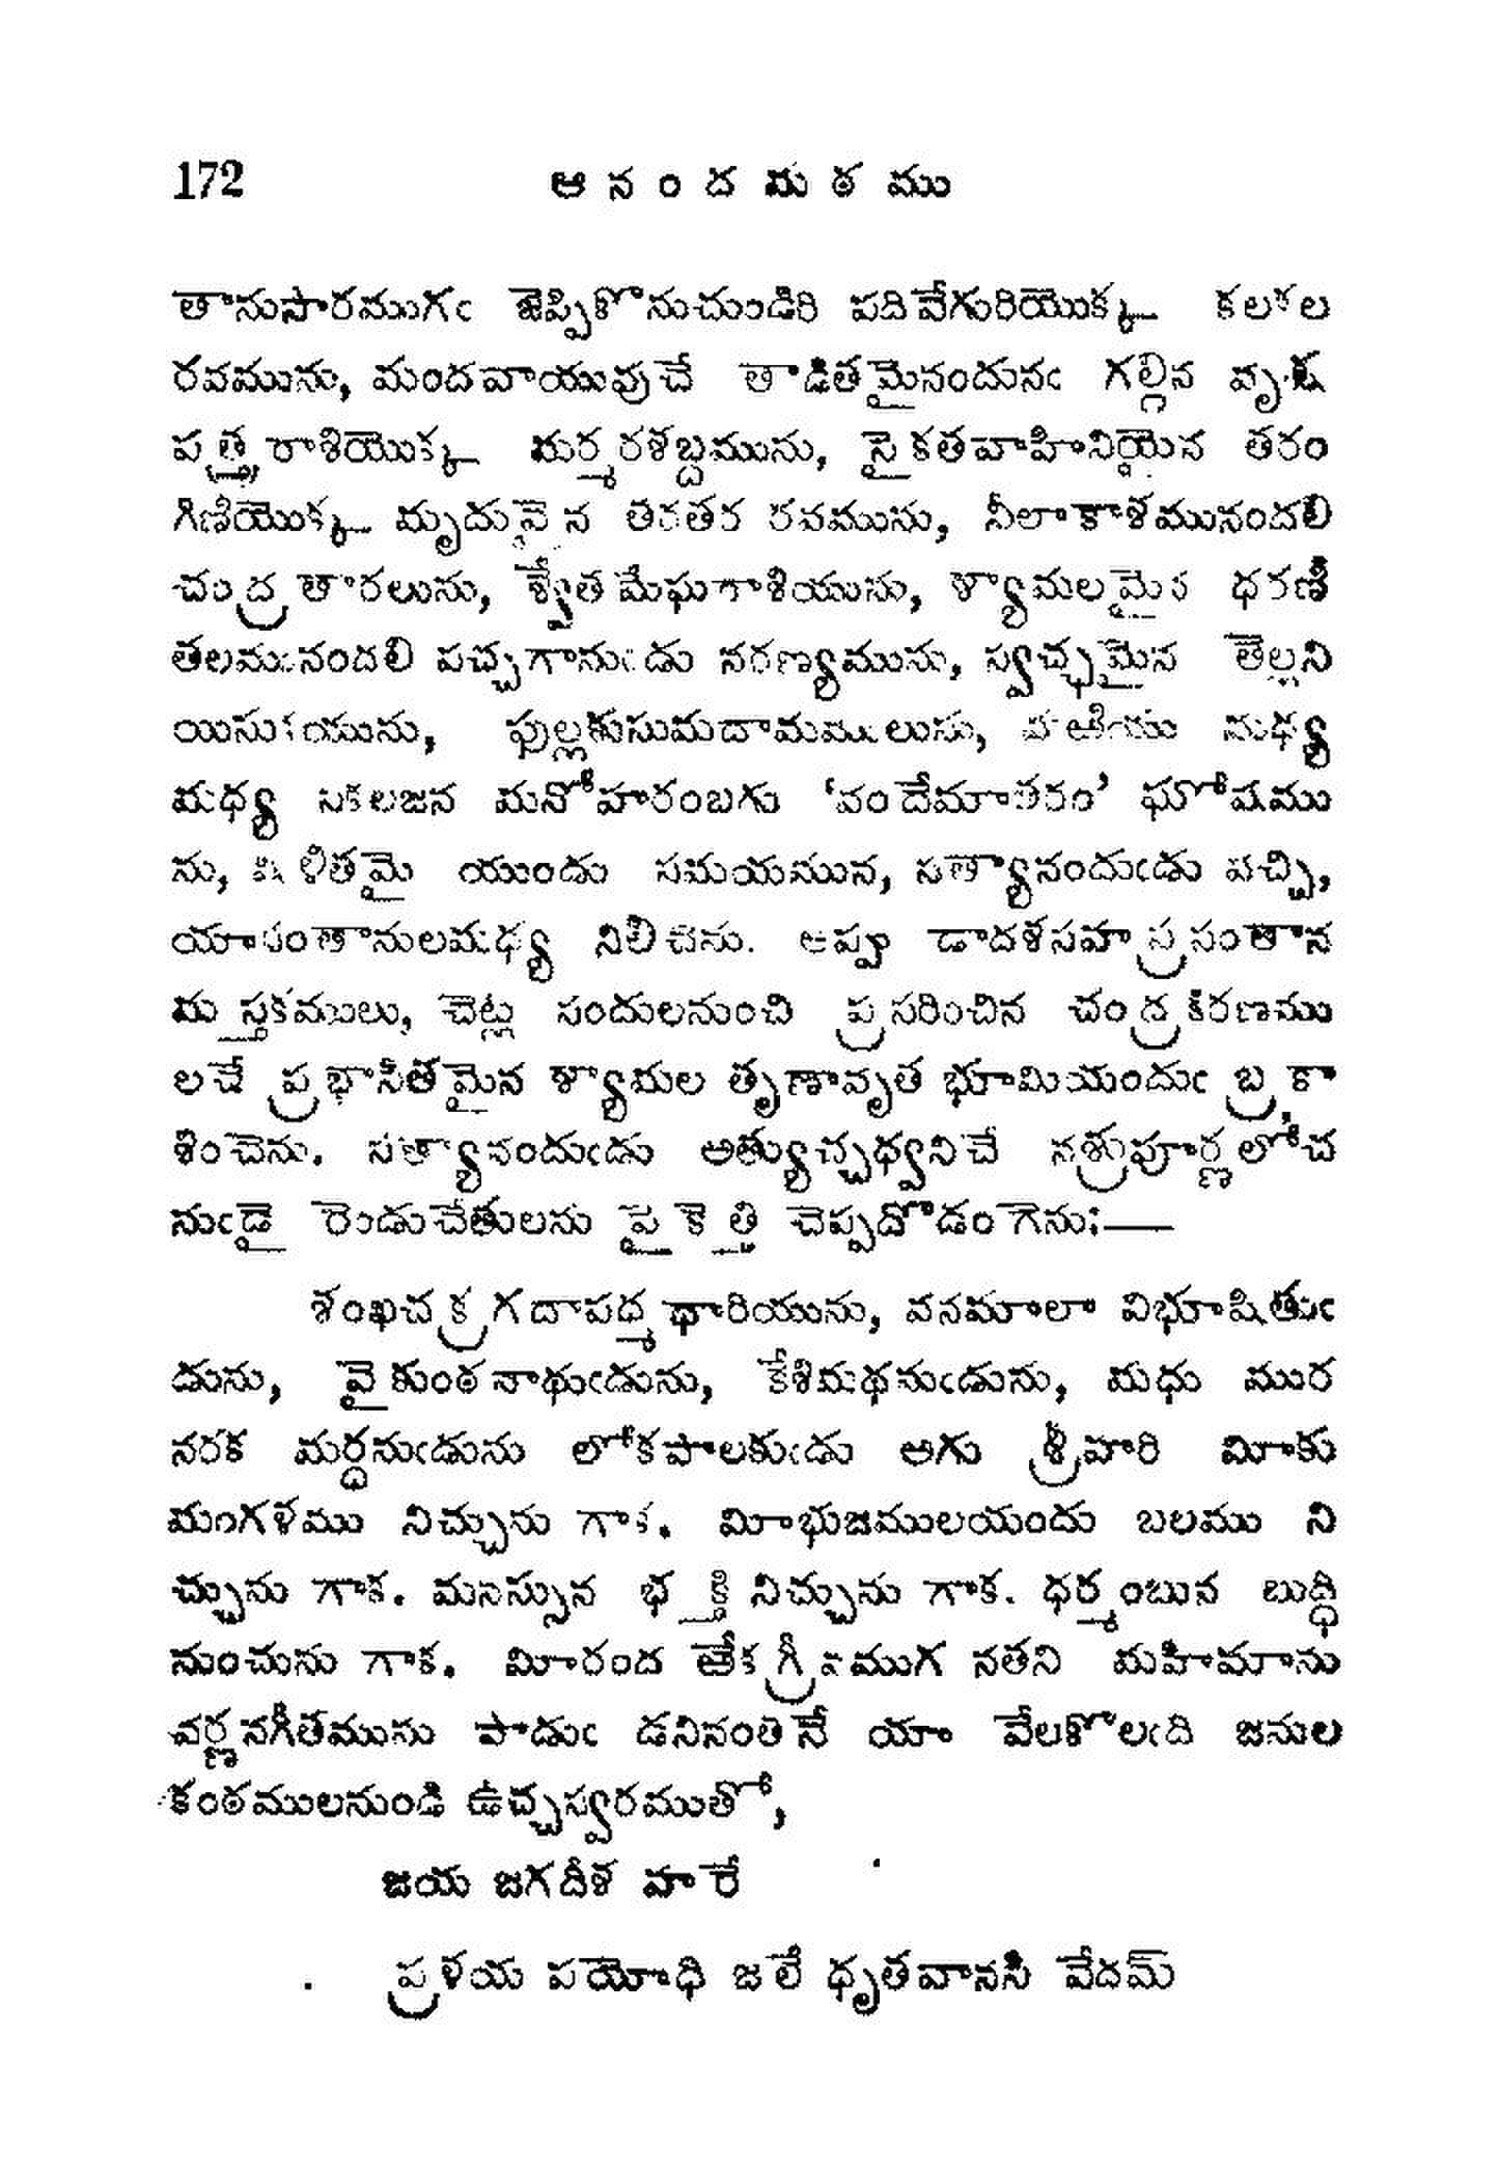తానుసారముగఁ జెప్పికొనుచుండిరి పదివేగురియొక్క కలకల రవమును, మంద వాయువుచే తాడితమైనందునఁ గల్గిన వృక్ష
పత్ర రాశియొక్క మర్మరశబ్దమును, సైకత వాహినియైన తరంగిణీయొక్క మృదువైన తరతరవమును, నీలాకాశమునందలి
చంద్ర తారలును, శ్వేత మేఘ రాశియును, శ్యామలమైన ధరణీ తలము నందలి పచ్చగానుఁడు నరణ్యమును, స్వచ్ఛమైన తెల్లని యిసుకయును, ఫుల్లకుసుమదామము లును, మఱియు మద్య మధ్య సకలజన మనోహరంబగు 'వందేమాతరం' ఘోషమును, మిళితమై యుండు సమయమున, సత్యానందుఁడు వచ్చి, యాసంతానులమధ్య నిలిచెను. ఆప్పు డాదశ సహస్రసంతాన మస్తకములు, చెట్ల సందులనుంచి ప్రసరించిన చంద్ర కిరణములచే ప్రభాసితమైన శ్యామల తృణావృత భూమియందుఁ బ్రకాశించెను. సత్యానందుఁడు అత్యుచ్చధ్వనిచే నశ్రుపూర్ణ లోచనుఁడై రెండు చేతులను పైకెత్తి చెప్పదొడంగెను:——

శంఖచక్ర గదాపద్మ ధారియును, వనమాలా విభూషితుఁడును, వైకుంఠ నాథుఁడును, కేశిమథనుఁడును, మధు ముర నరక మర్ధనుఁడును లోకపాలకుఁడు అగు శ్రీహరి మీకు మంగళము నిచ్చును గాక. మీభుజములయందు బలము నిచ్చును గాక. మనస్సున భక్తి నిచ్చును గాక, ధర్మంబున బుద్ధి నుంచును గాక. మీరంద ఱేక గ్రీవముగ నతని మహిమాను వర్ణనగీతమును పాడుఁ డనినంతనే యా వేలకొలఁది జనుల కంఠములనుండి ఉచ్చస్వరముతో,

జయ జగదీశ హరే
ప్రళయ పయోధి జలే ధృతవానసి వేదమ్
.